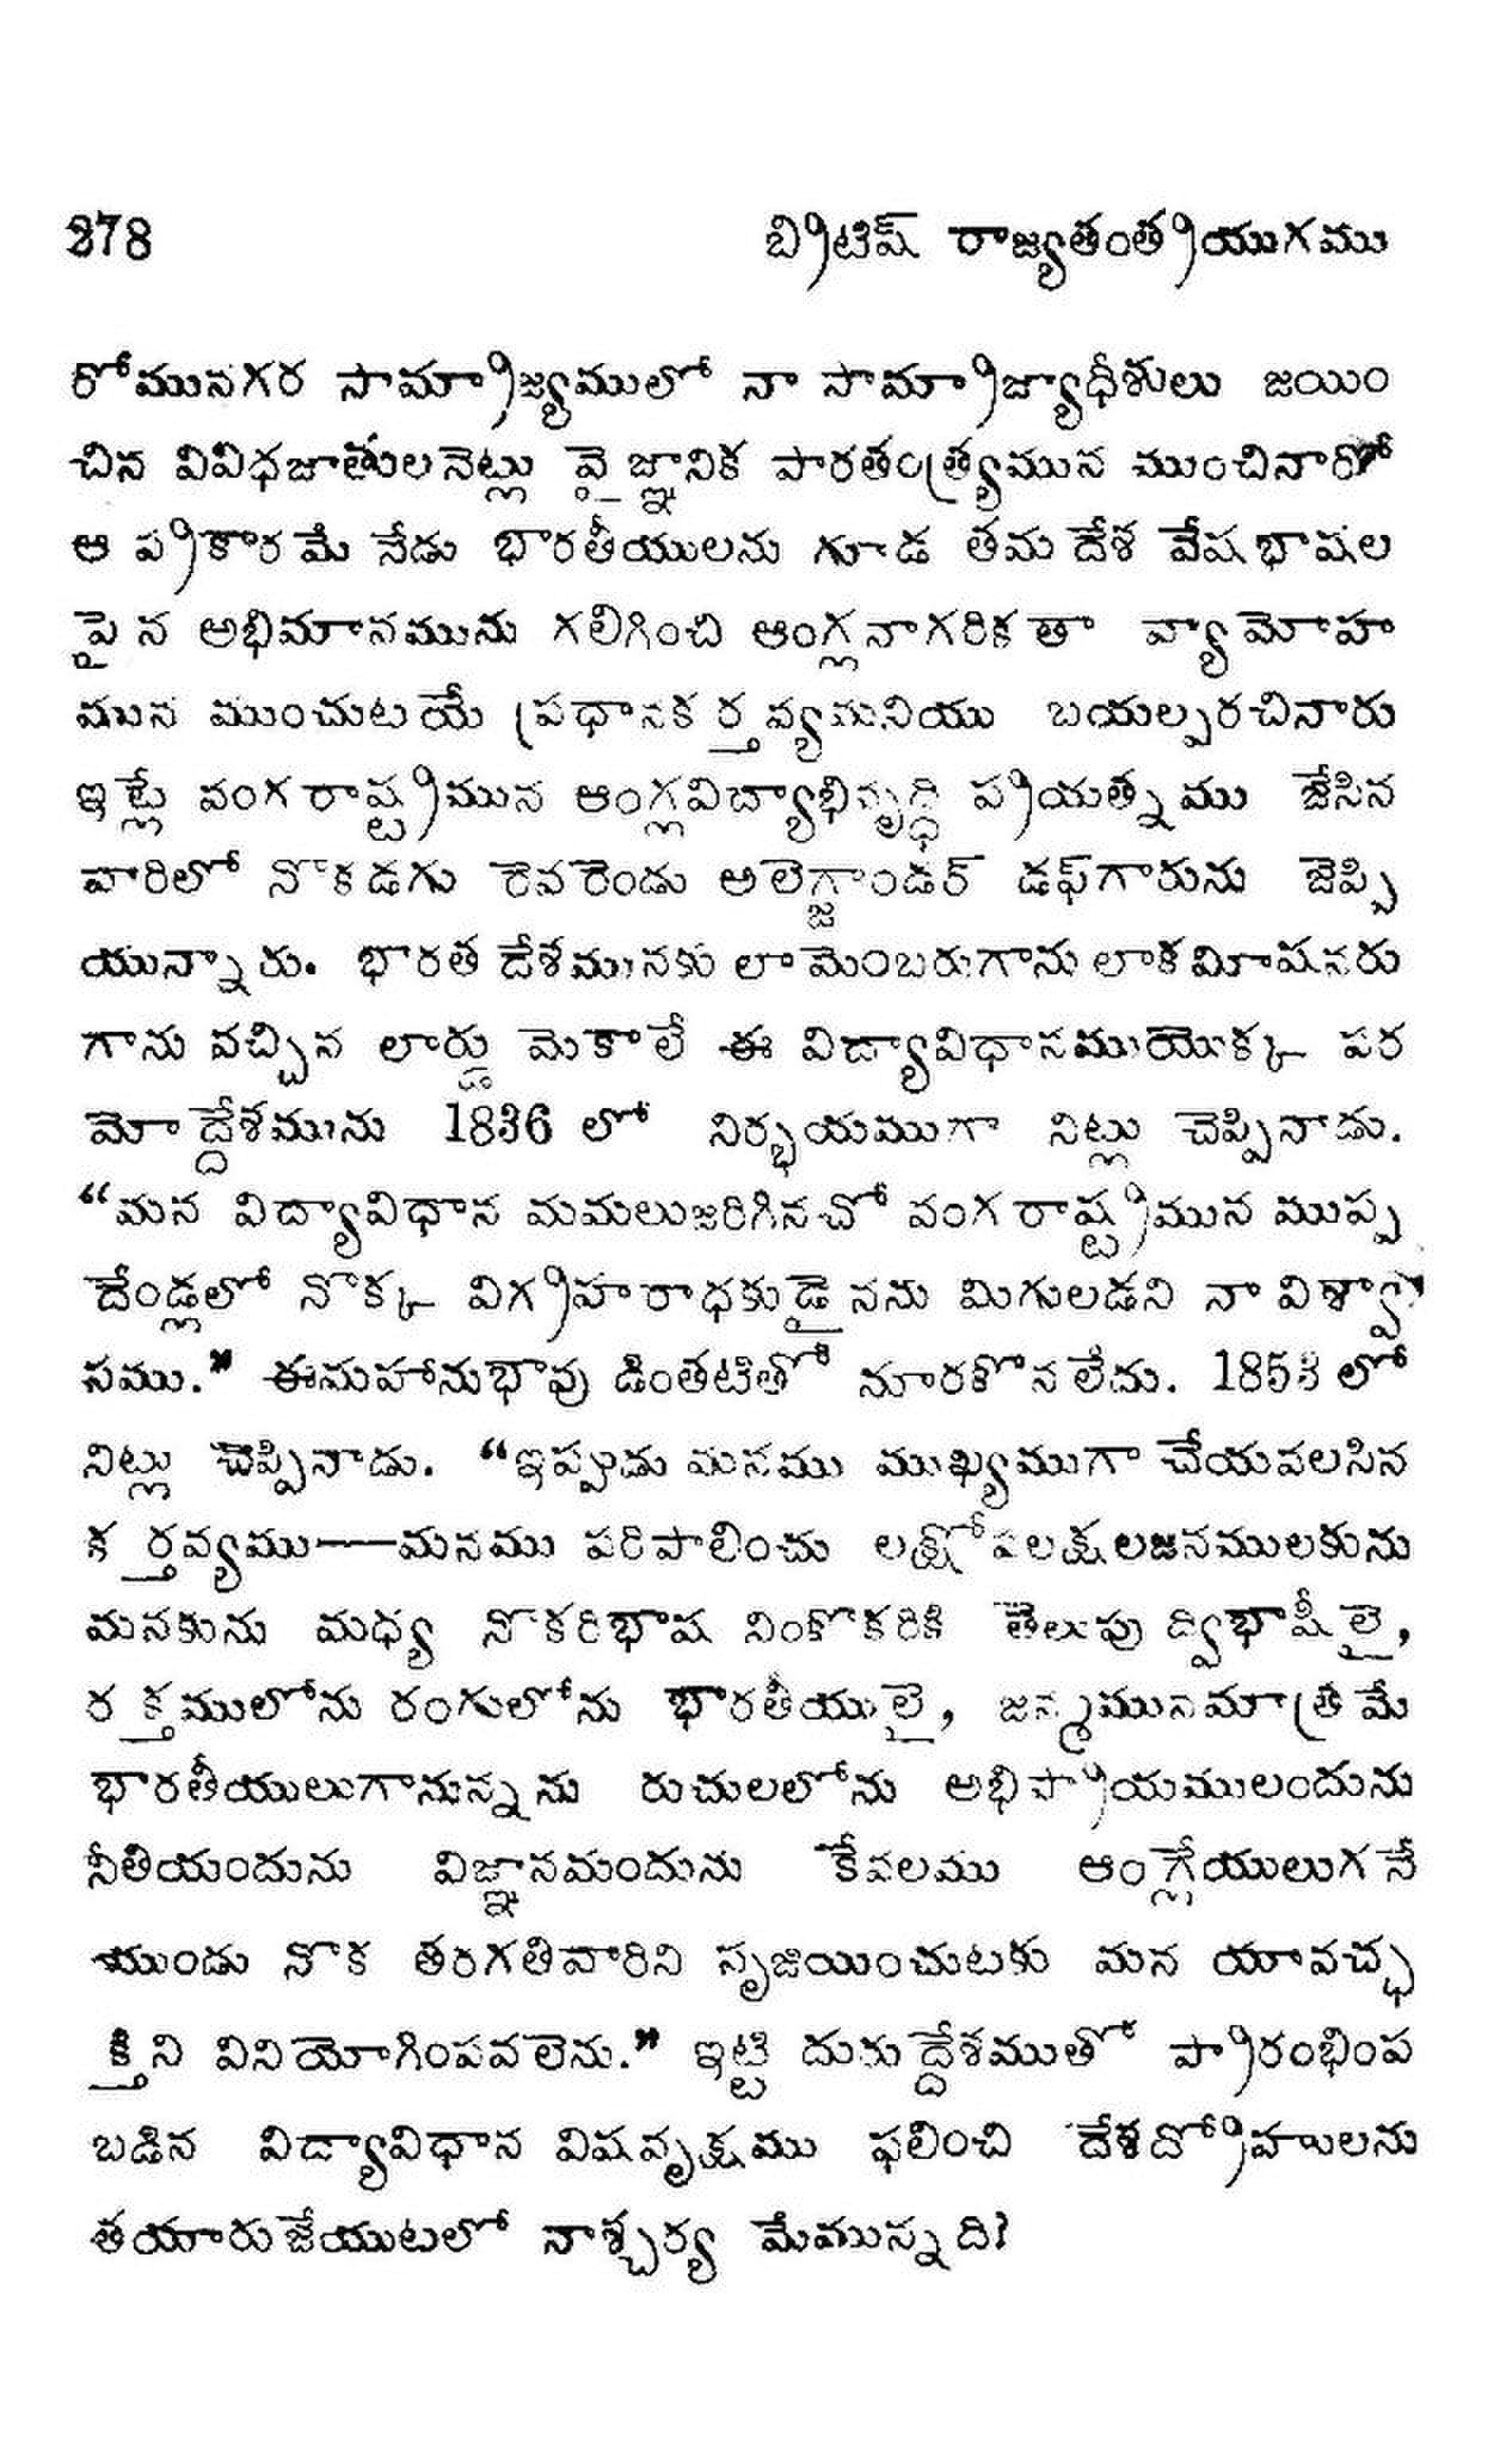రోమునగర సామ్రాజ్యములో నా సామ్రాజ్యాధీశులు జయించిన వివిధజాతులనెట్లు వైజ్ఞానిక పారతంత్ర్యమున ముంచినారో ఆ ప్రకారమే నేడు భారతీయులను గూడ తమ దేశ వేష భాషల పైన అభిమానమును గలిగించి ఆంగ్లనాగరికతా వ్యామోహమున ముంచుటయే ప్రధానకర్తవ్యమనియు బయల్పరచినారు ఇట్లే వంగరాష్ట్రమున ఆంగ్లవిద్యాభివృద్ధి ప్రయత్నము జేసిన వారిలో నొకడగు రెవరెండు అలెగ్జాండర్ డఫ్‌గారును జెప్పియున్నారు. భారతదేశమునకు లా మెంబరుగాను లాకమిషనరు గాను వచ్చిన లార్డు మెకాలే ఈ విద్యావిధానముయొక్క పరమోద్దేశమును 1836 లో నిర్భయముగా నిట్లు చెప్పినాడు. “మన విద్యావిధాన మమలుజరిగినచో వంగరాష్ట్రమున ముప్పదేండ్లలో నొక్క విగ్రహ రాధకుడైనను మిగులడని నా విశ్వాసము.” ఈమహానుభావు డింతటితో నూరకొనలేదు. 1853 లో నిట్లు చెప్పినాడు. “ఇప్పుడు మనము ముఖ్యముగా చేయవలసిన కర్తవ్యము - మనము పరిపాలించు లక్షోపలక్షలజనములకును మనకును మధ్య నొకరిభాష నింకొకరికి తెలుపు ద్విభాషీలై, రక్తములోను రంగులోను భారతీయులై, జన్మమునమాత్రమే
భారతీయులుగానున్నను రుచులలోను అభిప్రాయములందును నీతియందును విజ్ఞానమందును కేవలము ఆంగ్లేయులుగనే యుండు నొక తరగతివారిని సృజియించుటకు మన యావచ్చక్తిని వినియోగింపవలెను." ఇట్టి దురుద్దేశముతో ప్రారంభింపబడిన విద్యావిధాన విషవృక్షము ఫలించి దేశద్రోహులను తయారుజేయుటలో నాశ్చర్య మేమున్నది?